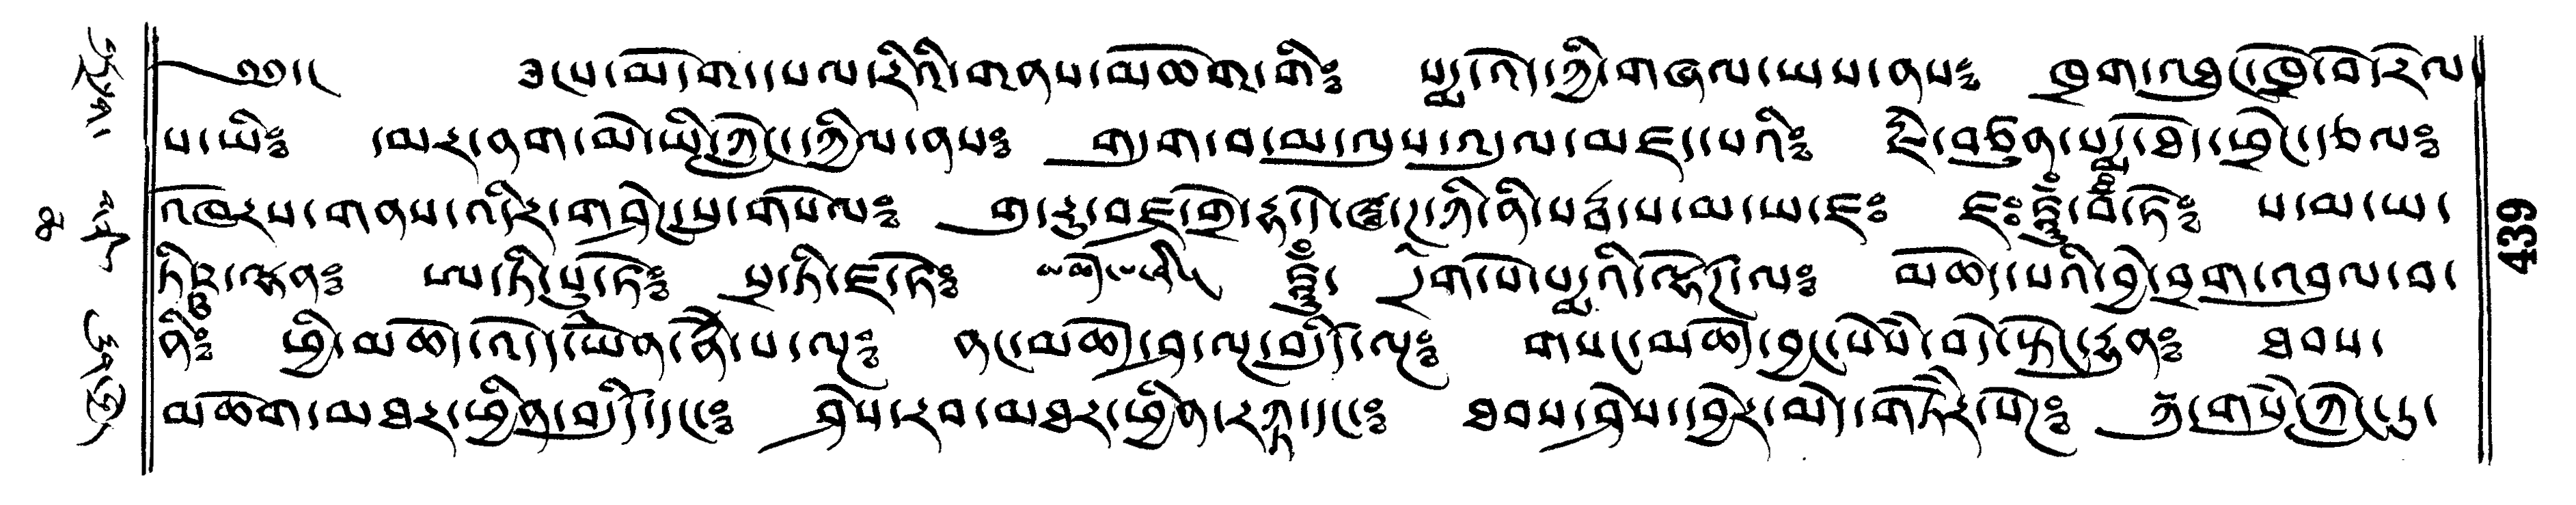ཟངས་མདོག་དཔལ་རིའི་གནས་མཆོག་གི༔ པདྨ་འོད་ཀྱི་གཞལ་ཡས་ནས༔ ཁྲག་འཐུང་ཁྲོ་བོ་རོལ་
པ་ཡི༔ དམར་ནག་མེ་ཡི་ཀློང་དཀྱིལ་ནས༔ གདུག་བ་མ་ལུས་འདུལ་མཛད་པའི༔ རྗེ་བཙུན་པདྨ་ཐོད་ཕྲེང་རྩལ༔ 
འཁོར་བཅས་གནས་འདིར་གཤེགས་སུ་གསོལ༔གུ་རུ་བཛྲ་ཀྲོ་དྷ་དེ་ཝ་ཌཱ་ཀི་ནི་སརྦ་ས་མ་ཡ་ཛཿ ཛཿཧཱུྃ་བྃ་ཧོཿ ས་མ་ཡ་
ཏིཥྛ་ལྷན༔ ཨ་ཏི་པུ་ཧོ༔ པྲ་ཏི་ཛ་ཧོ༔ མཆོད་པ་ནི། ཧཱུྃ༔ དྲག་པོ་པདྨའི་ལྷ་ཚོགས་ལ༔ མཆོད་པའི་བྱེ་བྲག་འབུལ་བ་
ནི༔ ཕྱི་མཆོད་འདོད་ཡོན་རྣམ་པ་ལྔ༔ ནང་མཆོད་ཤ་ལྔ་བདུད་རྩི་ལྔ༔ གསང་མཆོད་བྱང་སེམས་བདེ་སྟོང་རྒྱུན༔ ཐབས་
མཆོག་མཐར་ཕྱིན་བདུད་རྩི་དང༔ ཤེས་རབ་མཐར་ཕྱིན་རཀྟ་དང༔ ཐབས་ཤེས་དབྱེར་མེད་གཏོར་མ་སོགས༔ སྐུ་གསུམ་ཀློང་དུ་